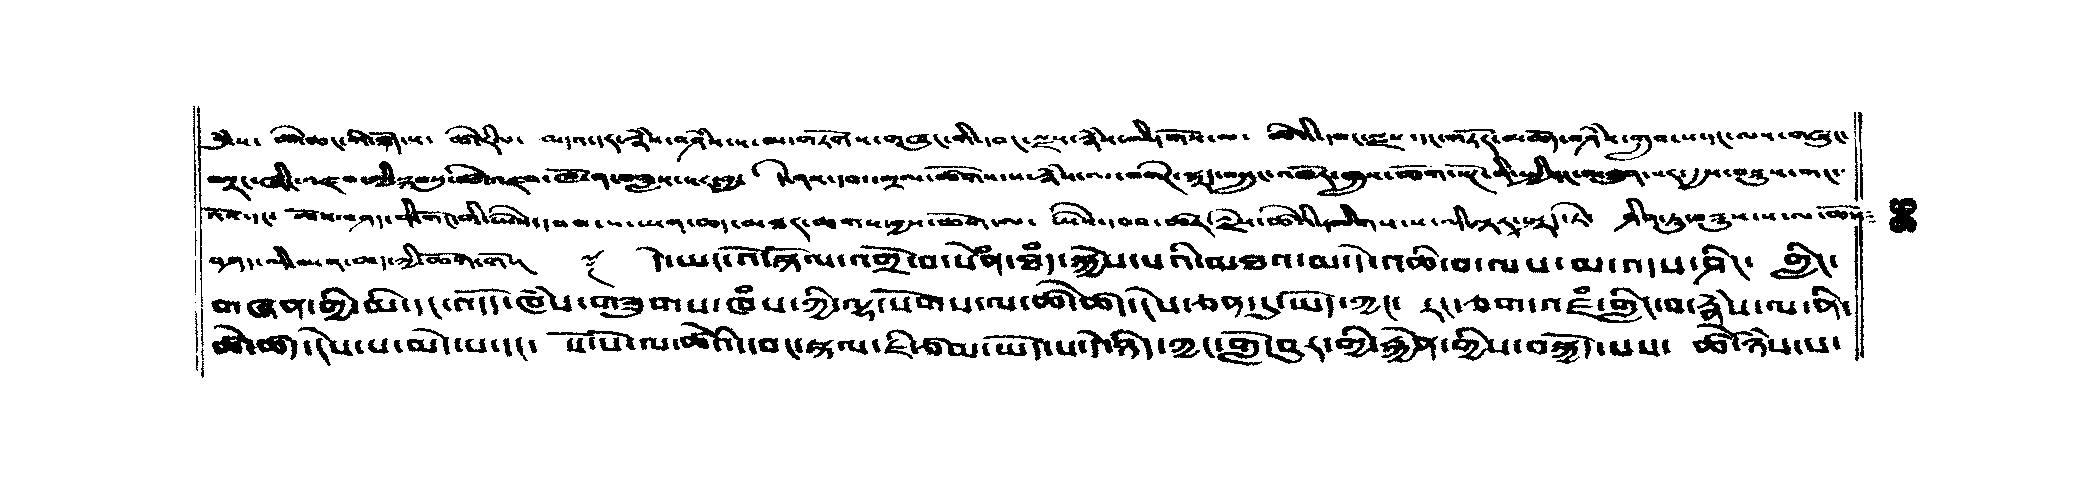བུམ་པ། ཚེ་ཆང་གི་ཐོད་པ། ཚེ་རིལ། མདའ་དར་རྣམས་བཤམས་པ་མ་གཏོགས་གཞུང་གི་དབང་རྫས་རྣམས་མི་དགོས་ལ། ཚེའི་དབང་རྫས་དང་གཏོར་མཆོད་བཤམས་་གྲུབ་པ་དང་ལས་གཞུང་
བསྲང་ཞིང་འཛབ་ཀྱི་སྐབས་སུ་ཚེ་འཛབ་ཁོ་ན་བཟླས་པར་བྱ། དེ་ནས་དབང་གྲལ་ཚོགས་པ་རྣམས་ལ་བགེགས་བསྐྲད་བསྲུང་འཁོར་ཁྲུས་ཆོག་སོགས་ནི་སྤྱི་དང་མཐུན་པར་རྒྱས་བསྡུས་གང་
འོས་དང་།ཆོས་བཤད་ནི་གོང་གི་ཡེ་ཤེས་དབབ་པ་ཡན་ཆད་མཐར་ཆགས་བྱས་ཆོག་ལ། ཡེ་ཤེས་དབབ་ཚར་རྗེས་ཚེའི་དམིགས་པ་འདི་ལྟར་སྤྲད་དེ། ཤིན་ཏུ་བསྡུས་པ་ལ་ཆོས་
བཤད་འདི་མན་ཆད་ཀྱི་ཆོག་གོ་ ༈ དེ་ཡང་འོ་སྐོལ་འགྲོ་བ་སེམས་ཅན་ཐམས་ཅད་སྐྱེས་པའི་མཐའ་མ་དེ་འཆི་བ་ལས་མ་འདས་ཤིང་། གླིང་
གཞན་གྱི་མི་དང་འདོད་ཁམས་གཟུགས་ཁམས་ཀྱི་ལྷ་ལ་སོགས་ལ་ཚེ་ཚད་ངེས་ཅན་དུ་ཡོད་ཀྱང་། རང་ཅག་འཛམ་གླིང་བརྣམས་ལ་ནི་
ཚེ་ཚད་ངེས་པ་མེད་པ་དང་། སོ་སོ་ལ་ཚེའི་དབང་སྐལ་ཇི་ཙམ་ཡོད་པ་དེ་ཉིད་ཀྱང་གློ་བུར་གྱི་སྐྱེན་གྱིས་བསྐྱོད་པས། ཚེ་ཉམས་པ་